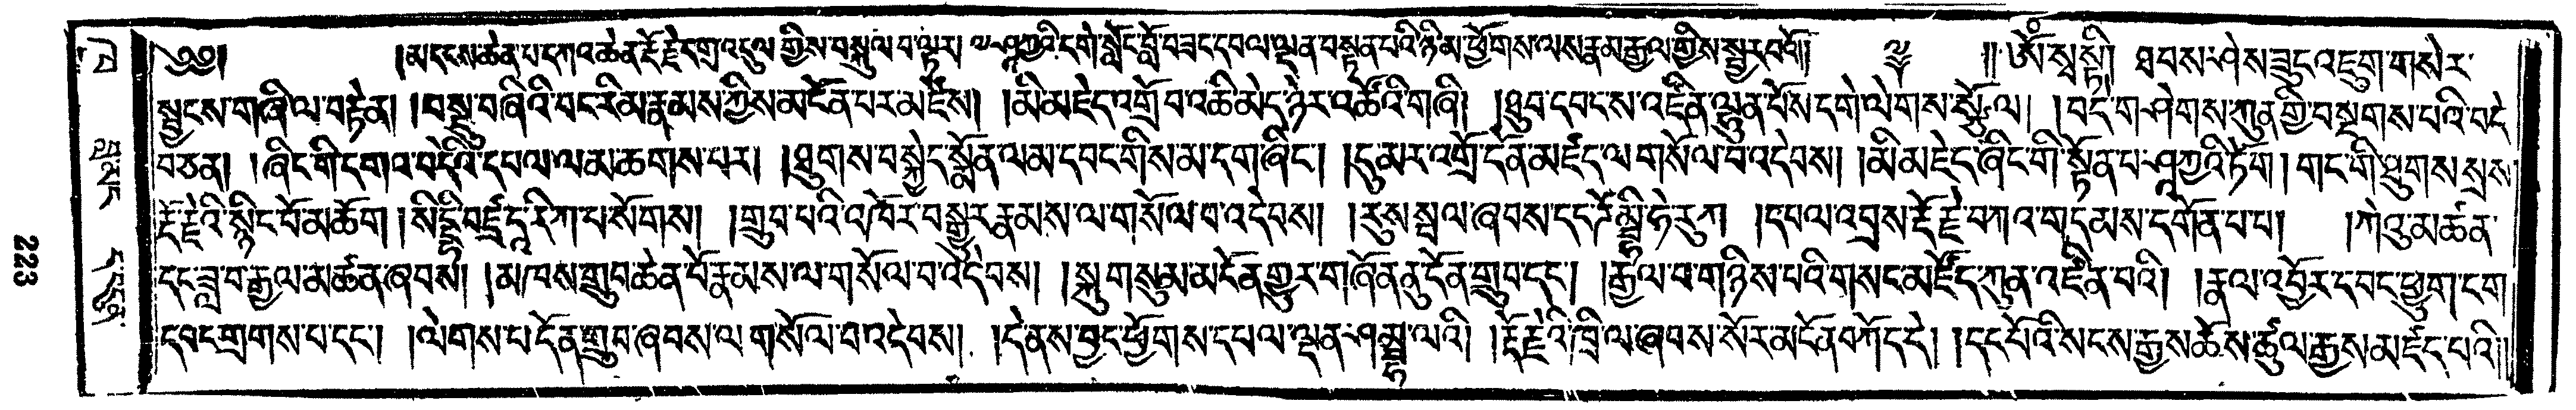༄༅། །མདངས་ཆེན་པ་དཀའ་ཆེན་རྡོ་རྗེ་དགྲ་འདུལ་གྱིས་བསྐུལ་བ་ལྟར། ༧་ཤཱཀྱའི་དགེ་སློང་བློ་བཟང་དཔལ་ལྡན་བསྟན་པའི་ཉི་མ་ཕྱོགས་ལས་རྣམ་རྒྱལ་གྱིས་སྦྱར་བའོ།། ༈ །།ཨོཾ་སྭ་སྟི། ཐབས་ཤེས་ཟུང་འཇུག་གསེར་
སྦྱངས་གཞི་ལ་བརྟེན། །བསྡུ་བཞིའི་བང་རིམ་རྣམས་ཀྱིས་མངོན་པར་མཛེས། །མི་མཇེད་འགྲོ་བ་འཆི་མེད་ཉེར་འཚོའི་གཞི། །ཐུབ་དབང་ས་འཛིན་ལྷུན་པོས་དགེ་ལེགས་སྩོལ། །བདེ་གཤེགས་ཀུན་གྱི་བསྔགས་པའི་བདེ་
བ་ཅན། །ཞིང་གི་དགའ་བདེའི་དཔལ་ལམ་ཆགས་པར། །ཐུགས་བསྐྱེད་སྨོན་ལམ་དབང་གིས་མ་དག་ཞིང་། །དུ་མར་འགྲོ་དོན་མཛད་ལ་གསོལ་བ་འདེབས། །མི་མཇེད་ཞིང་གི་སྟོན་པ་ཤཱཀྱའི་ཏོག །གང་གི་ཐུགས་སྲས་
རྡོ་རྗེའི་སྙིང་པོ་མཆོག །སིདྡྷི་བཛྲ་དཱ་རི་ཀ་པ་སོགས། །གྲུབ་པའི་འཁོར་བསྒྱུར་རྣམས་ལ་གསོལ་བ་འདེབས། །རུས་སྦལ་ཞབས་དང་ཌོམྦྷི་ཧེ་རུ་ཀ །དཔལ་འབྲས་རྡོ་རྗེ་བཀའ་གདམས་དགོན་པ་པ། །ཀེའུ་མཚན་
དང་ཟླ་བ་རྒྱལ་མཚན་ཞབས། །མཁས་གྲུབ་ཆེན་པོ་རྣམས་ལ་གསོལ་བ་འདེབས། །སྐུ་གསུམ་མངོན་གྱུར་གཞོན་ནུ་དོན་གྲུབ་དང་། །རྒྱལ་བ་གཉིས་པའི་གསང་མཛོད་ཀུན་འཛིན་པའི། །རྣལ་འབྱོར་དབང་ཕྱུག་ངག་
དབང་གྲགས་པ་དང་། །ལེགས་པ་དོན་གྲུབ་ཞབས་ལ་གསོལ་བ་འདེབས། །དེ་ནས་བྱང་ཕྱོགས་དཔལ་ལྡན་ཤམྦྷ་ལའི། །རྡོ་རྗེའི་ཁྲི་ལ་ཞབས་སོར་མངོན་བཀོད་དེ། །དང་པོའི་སངས་རྒྱས་ཆོས་ཚུལ་རྒྱས་མཛད་པའི།།